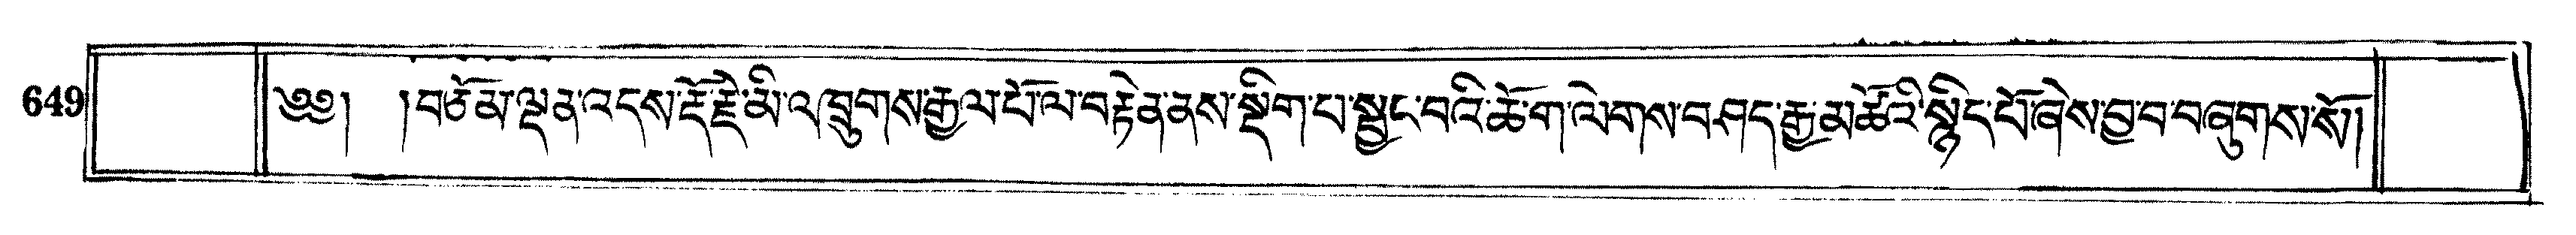༄༅། །བཅོམ་ལྡན་འདས་རྡོ་རྗེ་མི་འཁྲུགས་རྒྱལ་པོ་ལ་བརྟེན་ནས་སྡིག་པ་སྦྱང་བའི་ཆོ་ག་ལེགས་བཤད་རྒྱ་མཚོའི་སྙིང་པོ་ཞེས་བྱ་བ་བཞུགས་སོ།